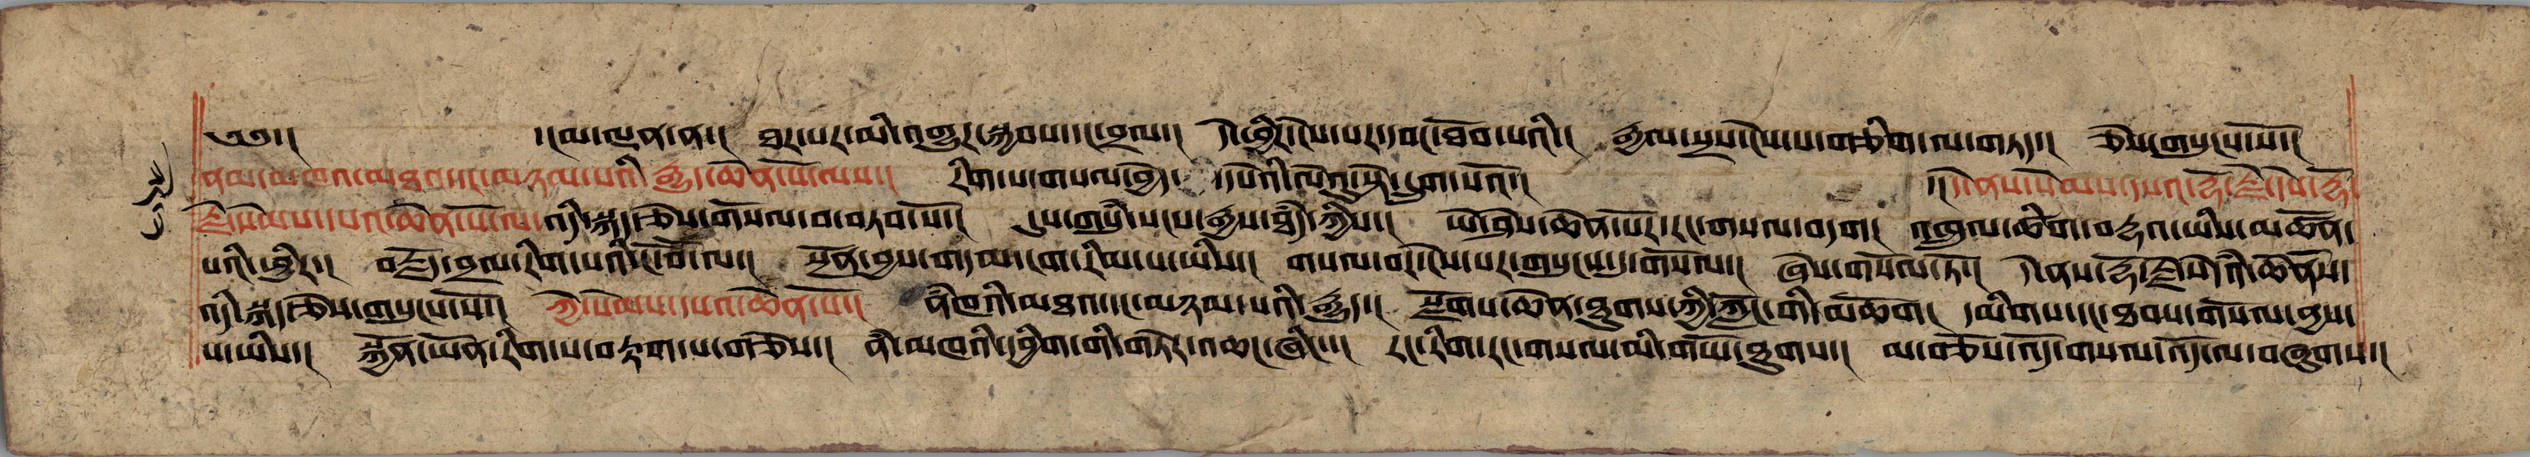༄༅་། ་།མ་ལྡན་ན་། ཐར་པར་མི་འགྱུར་སྐྱབས་དང་བྲལ་། དེ་ཕྱིར་ངེས་པར་དབང་ཐོབ་པའི་། རྒྱལ་སྲས་ངེས་པ་གཅིག་ལ་གཏད་། ཅེས་གསུངས་སོ་།
ནམ་མཁའ་མཐའ་དང་མཉམ་པའི་རྒྱུད་ཆེན་པོ་ལས་། རིག་པ་གསལ་བྱེད་ཀྱི་དཔེའི་ལེའུ་སྟེ་དྲུག་པའོ་། ་།དེ་ནས་སེམས་དཔའ་རྡོ་རྗེ་དེས་རྡོ་
རྗེ་སེམས་དཔའ་ཆེན་པོ་ལ་འདི་སྐད་ཅེས་གསོལ་བ་བཏབ་སོ་། དུས་གསུཾ་སངས་རྒྱས་ཐཾད་ཀྱིས་། ཡེ་ཤེས་ཆེན་པོར་རང་གསལ་བདག། འཁྲུལ་ཚིག་བརྡའ་ཡིས་མཚོན་
པའི་ཕྱིར་། བརྗོད་བྲལ་རིག་པའི་ངོ་བོ་ལ་། སྔོན་བྱས་གདམ་ངག་རིག་པ་ཡིས་། གསལ་བར་ངེས་པར་གསུངས་དུ་གསོལ་། ཞེས་གསོལ་ཏོ་། དེ་ནས་རྡོ་རྗེ་སེདཾའ་ཆེནཔོ་
འདི་སྐད་ཅེས་གསུངས་སོ་། ཀྱེ་སེམས་དཔའ་ཆེན་པོ་། ནཾཁའི་མཐའ་དང་མཉམ་པའི་རྒྱུད་། སྫོགས་ཆེན་ཐུགས་ཀྱི་ཀློང་གི་མཆོག། དམིགས་དང་ཐབས་གསོལ་ནྱས་
པ་ཡིས་། སྐྱོན་ཡོན་རིག་པ་བརྟག་པ་གཅེས་། ནཾ་མཁའི་དབྱིག་གི་གཏེར་འཆང་ཞིང་་། རང་རིག་རང་གསལ་མི་གཡོ་ཐུགས་། མ་བཅོས་འོད་གསལ་འོད་ལ་བཞུགས་